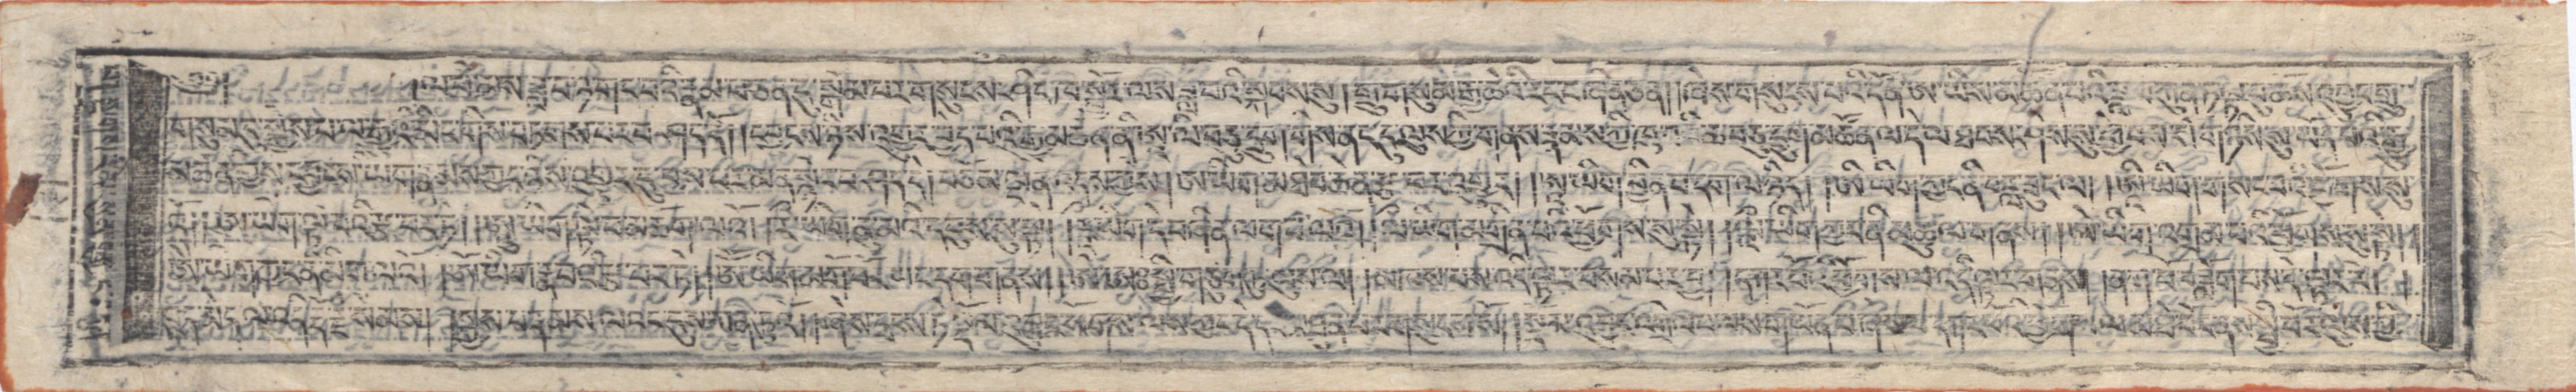༄༅། །ལ་ཕྱི་མས་ཟླ་བ་ཉ་གང་བའི་རྣམ་པ་ཅན་དུ་སྒོམ་པར་གསུངས་ཤིང་ཁ་སྦྱོར་ལས་ཟླ་བའི་སྐབས་སུ། གྲུ་གསུམ་རྒྱ་ཆེའི་རང་བཞིན་ཅན། །ཞེས་གསུངས་པའི་དོན་ཨ་ཡིས་མཚོན་པའི་ཟླ་བ་ཀུན་ཏ་ལྟ་བུ་ཆོས་འབྱུང་གྲུ་
གསུམ་དུ་སྐྱེས་པ་ལ་རྒྱུའི་མིང་གིས་བཏགས་པར་བཤད་དོ། །དབྱངས་ཉིས་འགྱུར་བྱེད་པའི་རྒྱུ་མཚན་ནི་ཨཱ་ལི་བཅུ་དྲུག་གིས་ནང་དུ་ལུས་ཀྱི་གནས་རྣམས་ཀྱི་ཁུ་བའི་ཆ་བཅུ་དྲུག་མཚོན་ལ་དེ་ལ་ཐབས་ཤེས་སུ་ཕྱེ་བས་སོ་གཉིས་སུ་ཡོད་པའི་རྒྱུ་
མཚན་གྱིས་དབྱངས་ཡིག་རྣམས་ཀྱང་ཉིས་འགྱུར་དུ་བྱས་པར་མན་སྙེར་བཤད་དེ། བཅོམ་ལྡན་འདས་ཀྱིས། ཨ་ཡིག་མཐེབ་ཆེན་རྩ་བར་འགྱུར། །ཨཱ་ཡིག་བྱིན་བ་དག་ལ་ཉིད། །ཨི་ཡིག་ཀྱང་ནི་བརླ་ཟུང་ལ། །ཨཱི་ཡིག་གསང་བའི་ཕྱོགས་སུ་
འོ། །ཨུ་ཡིག་ལྟེ་བའི་རྩ་བར་ཏེ། །ཨཱུ་ཡིག་ལྟེ་བ་མཆོག་ལའོ། །རྀ་ཡིག་ནུ་མའི་དབུས་སུ་སྟེ། །རཱྀ་ཡིག་དེ་བཞིན་ལག་པ་ལའོ། །ལྀ་ཡིག་མགྲིན་པའི་ཕྱོགས་སུ་སྟེ། །ལཱྀ་ཡིག་ཀྱང་ནི་མཆུ་ལ་གནས། །ཨེ་ཡིག་འགྲམ་པའི་ཕྱོགས་སུ་སྟེ། །
ཨཻ་ཡིག་ཀྱང་ནི་མིག་ལའོ། །ཨོ་ཡིག་རྣ་བའི་རྩ་བར་ཏེ། །ཨཽ་ཡིག་མགོ་བོར་ཡང་དག་གནས། །ཨཾ་ཨཿ སྤྱི་གཙུག་ཏུ་ལུས་ལ། །མཁས་པས་འདི་ལྟར་བསམ་པར་བྱ། །དཀར་པོའི་ཕྱོགས་ལ་འདི་ལྟར་གནས། །ནག་པོ་བཟློག་པས་དེ་ལྟར་རོ། །
བུད་མེད་ལ་འདི་རྡོ་རྗེ་སེམས། །སྐྱེས་པ་རྣམས་ལའང་དུས་ཀུན་ཏུའོ། །ཞེས་དྲངས་ཏེ་སྡོམ་འབྱུང་སོགས་ལས་ཀྱང་དེ་དང་མཐུན་པར་གསུངས་སོ། །སྡོམ་འབྱུང་འགྲེལ་པ་ལས་གཡོན་པ་ཞེས་པ་དཀར་པོའི་ཕྱོགས་ལ་མཐེ་བོང་ནས་སྤྱི་བོར་ལུས་ཀྱི་